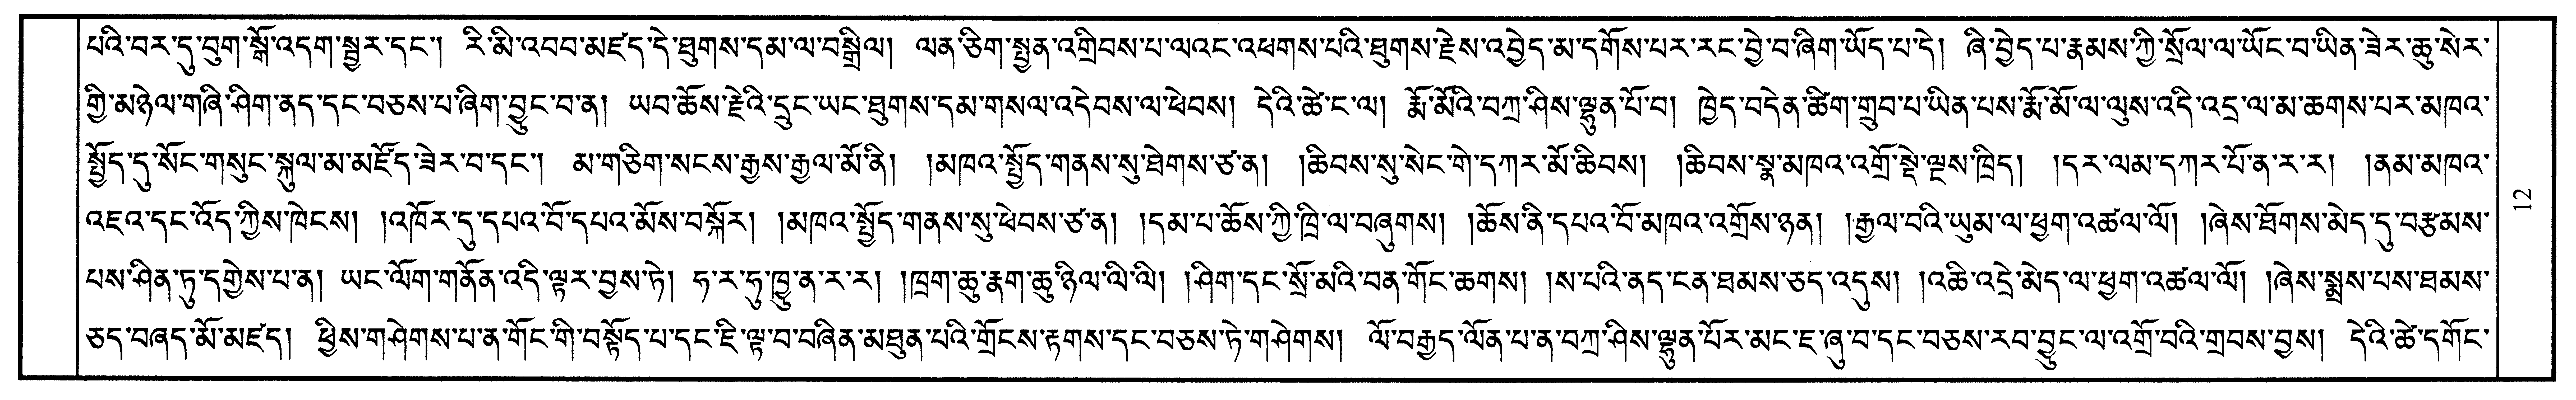པའི་བར་དུ་བུག་སྒོ་འདག་སྦྱར་དང་། རི་མི་འབབ་མཛད་དེ་ཐུགས་དམ་ལ་བསྒྲིལ། ལན་ཅིག་སྤྱན་འགྲིབས་པ་ལའང་འཕགས་པའི་ཐུགས་རྗེས་འབྱེད་མ་དགོས་པར་རང་བྱེ་བ་ཞིག་ཡོད་པ་དེ། ཞི་བྱེད་པ་རྣམས་ཀྱི་སྲོལ་ལ་ཡོང་བ་ཡིན་ཟེར་ཆུ་སེར་
གྱི་མཉེལ་གཞི་ཤིག་ནད་དང་བཅས་པ་ཞིག་བྱུང་བ་ན། ཡབ་ཆོས་རྗེའི་དྲུང་ཡང་ཐུགས་དམ་གསལ་འདེབས་ལ་ཕེབས། དེའི་ཚེ་ང་ལ། རྨོ་མོའི་བཀྲ་ཤིས་ལྷུན་པོ་བ། ཁྱེད་བདེན་ཚིག་གྲུབ་པ་ཡིན་པས་རྨོ་མོ་ལ་ལུས་འདི་འདྲ་ལ་མ་ཆགས་པར་མཁའ་
སྤྱོད་དུ་སོང་གསུང་སྐུལ་མ་མཛོད་ཟེར་བ་དང་། མ་གཅིག་སངས་རྒྱས་རྒྱལ་མོ་ནི། །མཁའ་སྤྱོད་གནས་སུ་ཐེགས་ཙ་ན། །ཆིབས་སུ་སེང་གེ་དཀར་མོ་ཆིབས། །ཆིབས་སྣ་མཁའ་འགྲོ་སྡེ་ལྔས་ཁྲིད། །དར་ལམ་དཀར་པོ་ན་ར་ར། །ནམ་མཁའ་
འཇའ་དང་འོད་ཀྱིས་ཁེངས། །འཁོར་དུ་དཔའ་བོ་དཔའ་མོས་བསྐོར། །མཁའ་སྤྱོད་གནས་སུ་ཕེབས་ཙ་ན། །དམ་པ་ཆོས་ཀྱི་ཁྲི་ལ་བཞུགས། །ཆོས་ནི་དཔའ་བོ་མཁའ་འགྲོས་ཉན། །རྒྱལ་བའི་ཡུམ་ལ་ཕྱག་འཚལ་ལོ། །ཞེས་ཐོགས་མེད་དུ་བརྩམས་
པས་ཤིན་ཏུ་དགྱེས་པ་ན། ཡང་ལོག་གནོན་འདི་ལྟར་བྱས་ཏེ། ཧ་ར་ཧུ་ཁྱུ་ན་ར་ར། །ཁྲག་ཆུ་རྣག་ཆུ་ཉིལ་ལི་ལི། །ཤིག་དང་སྲོ་མའི་བན་གོང་ཆགས། །ས་པའི་ནད་ངན་ཐམས་ཅད་འདུས། །འཆི་འདྲེ་མེད་ལ་ཕྱག་འཚལ་ལོ། །ཞེས་སྨྲས་པས་ཐམས་
ཅད་བཞད་མོ་མཛད། ཕྱིས་གཤེགས་པ་ན་གོང་གི་བསྟོད་པ་དང་ཇི་ལྟ་བ་བཞིན་མཐུན་པའི་གྲོངས་རྟགས་དང་བཅས་ཏེ་གཤེགས། ལོ་བརྒྱད་ལོན་པ་ན་བཀྲ་ཤིས་ལྷུན་པོར་མང་ཇ་ཞུ་བ་དང་བཅས་རབ་བྱུང་ལ་འགྲོ་བའི་གྲབས་བྱས། དེའི་ཚེ་དགོང་